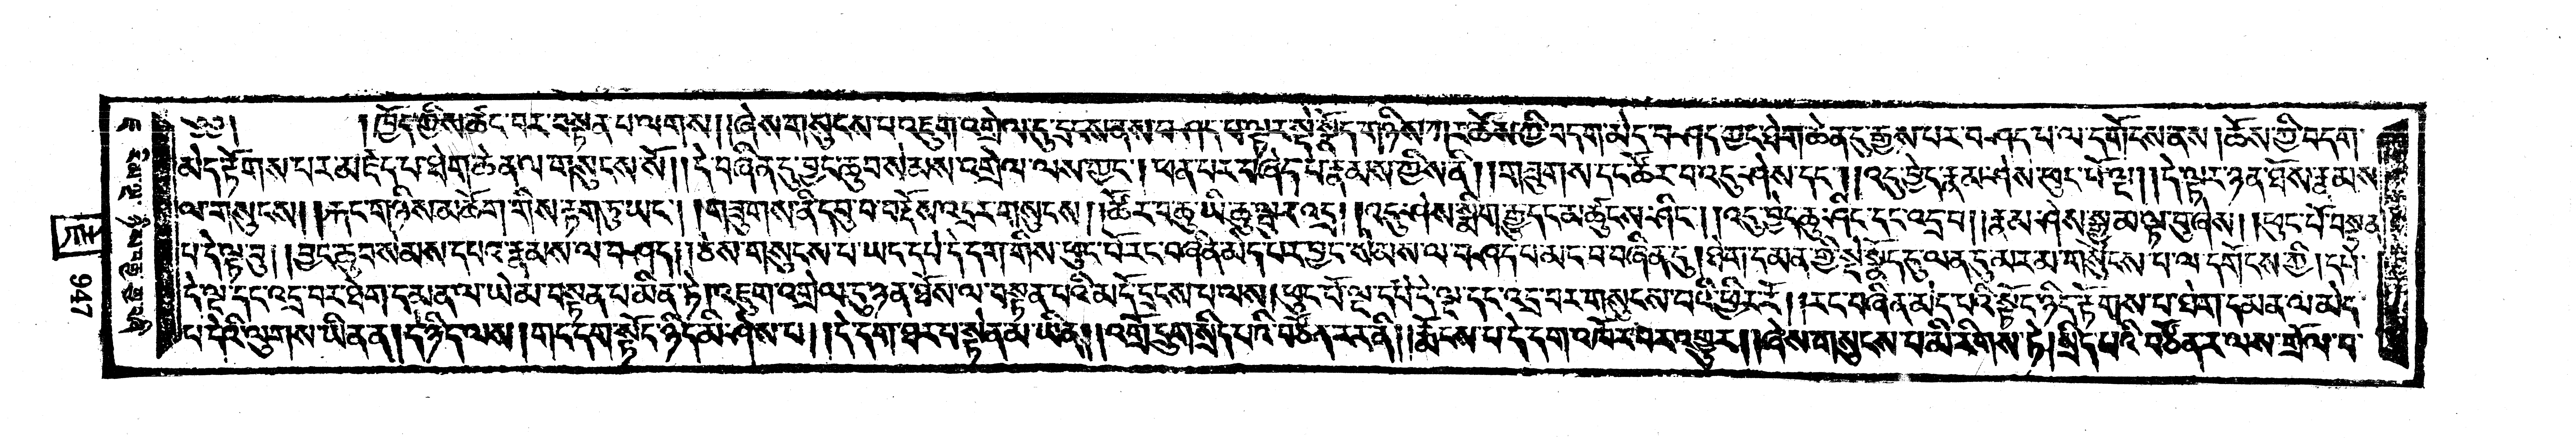༄༅། །ཁྱོད་ཀྱིས་ཚང་བར་བསྟན་པ་ལགས། །ཞེས་གསུངས་པ་འཇུག་འགྲེལ་དུ་དྲངས་ནས་བཤད་པ་ལྟར་སྡེ་སྣོད་གཉིས་ཀར་ཆོས་ཀྱི་བདག་མེད་བཤད་ཀྱང་ཐེག་ཆེན་དུ་རྒྱས་པར་བཤད་པ་ལ་དགོངས་ནས། ཆོས་ཀྱི་བདག་
མེད་རྟོགས་པར་མཛད་པ་ཐེག་ཆེན་ལ་གསུངས་སོ། །དེ་བཞིན་དུ་བྱང་ཆུབ་སེམས་འགྲེལ་ལས་ཀྱང་། ཕན་པར་བཞེད་པ་རྣམས་ཀྱིས་ནི། །གཟུགས་དང་ཚོར་བ་འདུ་ཤེས་དང་། །འདུ་བྱེད་རྣམ་ཤེས་ཕུང་པོ་ལྔ། །དེ་ལྟར་ཉན་ཐོས་རྣམས་
ལ་གསུངས། །རྐང་གཉིས་མཆོག་གིས་རྟག་ཏུ་ཡང་། །གཟུགས་ནི་དབུ་བ་བརྡོས་འདྲར་གསུངས། །ཚོར་བ་ཆུ་ཡི་ཆུ་ལྦུར་འདྲ། །འདུ་ཤེས་སྨིག་རྒྱུ་དང་མཚུངས་ཤིང་། །འདུ་བྱེད་ཆུ་ཤིང་དང་འདྲ་བ། །རྣམ་ཤེས་སྒྱུ་མ་ལྟ་བུ་ཞེས། །ཕུང་པོ་བསྟན་
པ་དེ་ལྟ་བུ། །བྱང་ཆུབ་སེམས་དཔའ་རྣམས་ལ་བཤད། །ཅེས་གསུངས་པ་ཡང་དཔེ་དེ་དག་གིས་ཕུང་པོ་རང་བཞིན་མེད་པར་བྱང་སེམས་ལ་བཤད་པ་མང་བ་བཞིན་དུ། ཐེག་དམན་གྱི་སྡེ་སྣོད་དུ་ལན་དུ་མར་མ་གསུངས་པ་ལ་དགོངས་ཀྱི། དཔེ་
དེ་ལྔ་དང་འདྲ་བར་ཐེག་དམན་ལ་ཡེ་མ་བསྟན་པ་མིན་ཏེ། འཇུག་འགྲེལ་དུ་ཉན་ཐོས་ལ་བསྟན་པའི་མདོ་དྲངས་པ་ལས། ཕུང་པོ་ལྔ་དཔེ་དེ་ལྔ་དང་འདྲ་བར་གསུངས་པའི་ཕྱིར་རོ། །རང་བཞིན་མེད་པའི་སྟོང་ཉིད་རྟོགས་པ་ཐེག་དམན་ལ་མེད་
པ་དེའི་ལུགས་ཡིན་ན། དེ་ཉིད་ལས། གང་དག་སྟོང་ཉིད་མི་ཤེས་པ། །དེ་དག་ཐར་པ་སྟེན་མ་ཡིན། །འགྲོ་དྲུག་སྲིད་པའི་བཙོན་རར་ནི། །རྨོངས་པ་དེ་དག་འཁོར་བར་འགྱུར། །ཞེས་གསུངས་པ་མི་རིགས་ཏེ། སྲིད་པའི་བཙོན་ར་ལས་གྲོལ་བ་